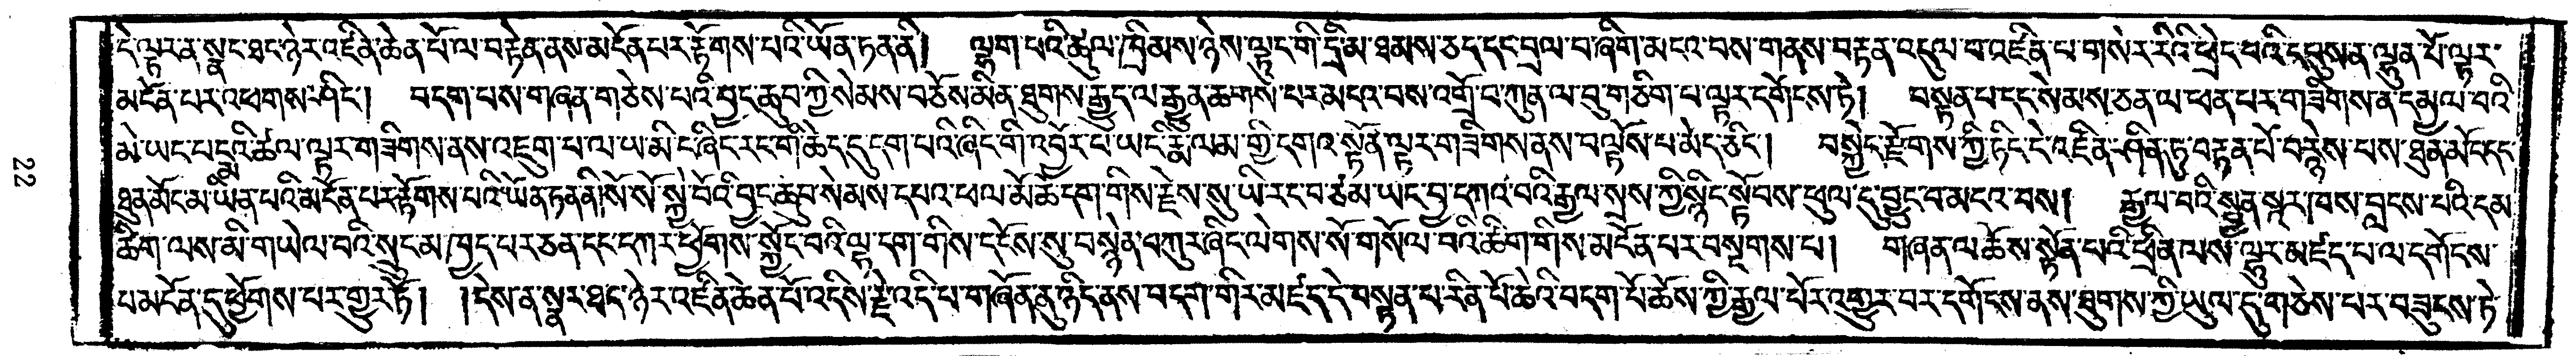དེ་ལྟར་ན་སྣང་ཐང་ཉེར་འཛིན་ཆེན་པོ་ལ་བརྟེན་ནས་མངོན་པར་རྟོགས་པའི་ཡོན་ཏན་ནི། ལྷག་པའི་ཚུལ་ཁྲིམས་ཉེས་ལྟུང་གི་དྲི་མ་ཐམས་ཅད་དང་བྲལ་བ་ཞིག་མངའ་བས་གནས་བརྟན་འདུལ་བ་འཛིན་པ་གསེར་རིའི་ཕྲེང་བའི་དབུས་ན་ལྷུན་པོ་ལྟར་
མངོན་པར་འཕགས་ཤིང་། བདག་པས་གཞན་གཅེས་པའི་བྱང་ཆུབ་ཀྱི་སེམས་བཅོས་མིན་ཐུགས་རྒྱུད་ལ་རྒྱུན་ཆགས་པར་མངའ་བས་འགྲོ་བ་ཀུན་ལ་བུ་གཅིག་པ་ལྟར་དགོངས་ཏེ། བསྟན་པ་དང་སེམས་ཅན་ལ་ཕན་པར་གཟིགས་ན་དམྱལ་བའི་
མེ་ཡང་པདམའི་ཚལ་ལྟར་གཟིགས་ནས་འཇུག་པ་ལ་ཡ་མིང་ཞིང་རང་གི་ཆེད་དུ་དག་པའི་ཞིང་གི་འབྱོར་པ་ཡང་རྨི་ལམ་གྱི་དགའ་སྟོན་ལྟར་གཟིགས་ནས་བལྟོས་པ་མེད་ཅིང་། བསྐྱེད་རྫོགས་ཀྱི་ཏིང་ངེ་འཛིན་ཤིན་ཏུ་བརྟན་པོ་བརྙེས་པས་ཐུན་མོང་དང་
ཐུན་མོང་མ་ཡིན་པའི་མངོན་པར་རྟོགས་པའི་ཡོན་ཏན་ནི། སོ་སོ་སྐྱེ་བོའི་བྱང་ཆུབ་སེམས་དཔའ་ཕལ་མོ་ཆེ་དག་གིས་རྗེས་སུ་ཡི་རང་བ་ཙམ་ཡང་བྱ་དཀའ་བའི་རྒྱལ་སྲས་ཀྱི་སྙིང་སྟོབས་ཕུལ་དུ་བྱུང་བ་མངའ་བས། རྒྱལ་བའི་སྤྱན་སྔར་ཁས་བླངས་པའི་དམ་
ཚིག་ལས་མི་གཡེལ་བའི་སྲུང་མ་ཁྱད་པར་ཅན་དང་དཀར་ཕྱོགས་སྐྱོང་བའི་ལྷ་དག་གིས་དངོས་སུ་བསྙེན་བཀུར་ཞིང་ལེགས་སོ་གསོལ་བའི་ཚིག་གིས་མངོན་པར་བསྔས་པ། གཞན་ལ་ཆོས་སྟོན་པའི་ཕྲིན་ལས་ལྷུར་མཛད་པ་ལ་དགོངས་
པ་མངོན་དུ་ཕྱོགས་པར་གྱུར་ཏོ། །དེས་ན་སྣར་ཐང་ཉེར་འཛིན་ཆེན་པོ་འདིས་རྗེ་འདི་པ་གཞོན་ནུ་ཉིད་ནས་བདག་གིར་མཛད་དེ་བསྟན་པ་རིན་པོ་ཆེའི་བདག་པོ་ཆོས་ཀྱི་རྒྱལ་པོར་འགྱུར་བར་དགོངས་ནས་ཐུགས་ཀྱི་ཡུལ་དུ་གཅེས་པར་བཟུངས་ཏེ་